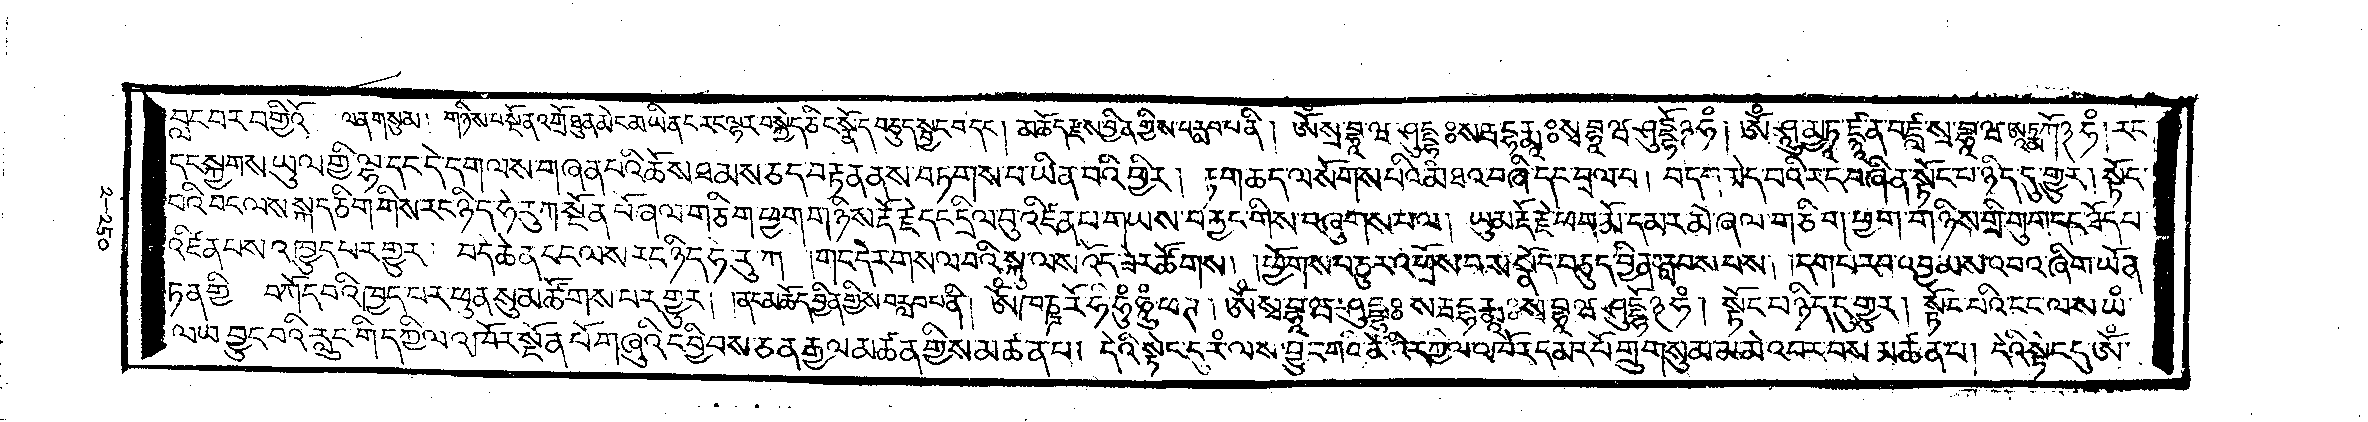བླང་བར་བགྱིའོ། ལན་གསུམ། གཉིས་པ་སྔོན་འགྲོ་ཐུན་མོང་མ་ཡིན་པ་རང་ལྷར་བསྐྱེད་ཅིང་སྣོད་བཅུད་སྦྱང་བ་དང་། མཆོད་རྫས་བྱིན་གྱིས་བརླབ་པ་ནི། ཨོཾ་སྲ་བྷཱ་ཝ་ཤུདྡྷཿསརྦ་དྷརྨཱཿསྭྦྷཱ་ཝ་ཤུདྡྷོཉཧཾ། ཨོཾ་ཤཱུ་མྱཏཱ་ཛྙཱ་ན་བཛྲ་སྭ་བྷཱ་ཝ་ཨཱཏྨཀོཉ་ཧཾ། རང་
དང་སྐྱགས་ཡུལ་གྱི་ལྷ་དང་དེ་དག་ལས་གཞན་པའི་ཆོས་ཐམས་ཅད་བརྟན་ནས་བཏགས་པ་ཡིན་པའི་ཕྱིར། རྟག་ཆད་ལ་སོགས་པའི་མཐའ་བཞི་དང་བྲལ་བ། བདག་མེད་པའི་རང་བཞིན་སྟོང་པ་ཉིད་དུ་གྱུར། སྟོང་
བའི་བང་ལས་སྐད་ཅིག་གིས་རང་ཉིད་ཧེ་རུ་ཀ་སྔོན་པོ་ཞལ་གཅིག་ཕྱག་གཉིས་རྡོ་རྗེ་དང་དྲིལ་བུ་འཛིན་པ་གཡས་བརྐྱང་གིས་བཞུགས་པ་ལ། ཡུམ་རྡོ་རྗེ་ཕག་མོ་དམར་མེ་ཞལ་གཅིག་ཕྱག་གཉིས་གྲི་གུག་དང་ཐོད་པ་
འཛིན་པས་འཁྱུད་པར་གྱུར། བདེ་ཆེན་ངང་ལས་རང་ཉིད་ཧེ་རུ་ཀ །གང་དེར་གསལ་བའི་སྐུ་ལས་འོད་ཟེར་ཚོགས། །ཕྱོགས་བཅུར་འཕྲོས་བས་སྣོད་བཅུད་བྱིན་རླབས་པས། །དག་པར་འབྱམས་འབའ་ཞིག་ཡོན་
ཏན་གྱི་བཀོད་པའི་ཁྱད་པར་ཕུན་སུམ་ཚོགས་པར་གྱུར། །ནང་མཆོད་བྱིན་གྱིས་བརླབ་པ་ནི། ཨོཾཁཎྜ་རོ་ཧི་ཧུཾ་ཧཱུཾ་ཕཊ། ཨོཾ་སྭྷཱ་ཝ་ཤུདྡྷཿསརྦ་དྷརྨཱཿསྭ་བྷཱ་ཝ་ཤུདྡྷོཉ་ཧ྾། སྟོང་པ་ཉིད་དུ་གྱུར། སྟོང་པའི་ངང་ལས་ཡ྾་
ལ་ཡ་བྱུང་བའི་རླུང་གི་དཀྱིལ་འཁོར་སྔོན་པོ་གཞུའི་དབྱིབས་ཅན་རྒྱལ་མཚན་གྱིས་མཚན་པ། དེའི་སྟེང་དུ་རཾ་ལས་བྱུང་གའི་མོའི་དཀྱིལ་འཁོར་དམར་པོ་གྲུ་གསུམ་མ་མེ་འབར་བས་མཚན་པ། དེའི་སྟེང་དུ་ཨོཾ་